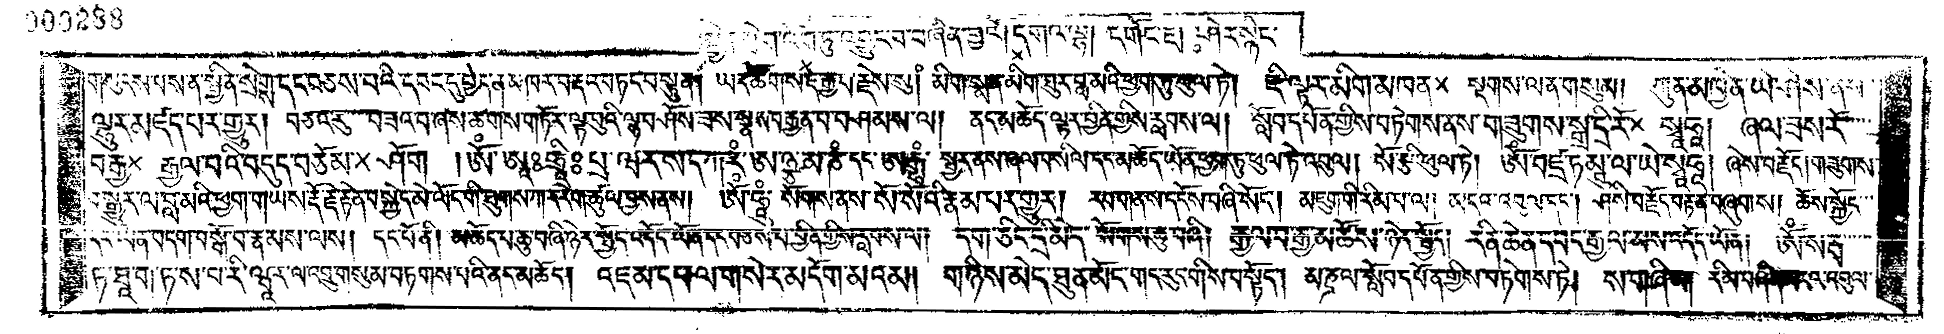གསུངས་པས་ན་སྦྱིན་སྲེགས་དང་བཅས་པའི་དབང་དུ་བྱེད་ན་མཁར་བརྡའ་བཏང་བསྟུན་སྦྱིན་སྲེག་འོག་ཏུ་འབྱུང་བ་བཞིན་བྱའོ། །དགའ་ལྷ། དགོང་ཇ། ཤེར་སྙིང་། ཡར་ཚོགས་྾་ཇ་རྒྱབ་རྗེས་སུ་྾། མིག་སྨན་མིག་ཐུར་བླ་མའི་ཕྱག་ཏུ་ཕུལ་ཏེ།  ཇི་ལྟར་མིག་མཁན྾་སྔགས་ལན་གསུམ། ཀུན་མཁྱེན་ཡེ་ཤེས་ནས་
ལྷུར་མཛད་པར་གྱུར། བཅའ་རུ་བཟའ་བ་ཞས་ཆགས་གཏོར་ལྟ་བུའི་ལྷ་བཤོས་ཟས་སྣས་བརྒྱན་པ་བཤམས་ལ། ནང་མཆོད་ལྟར་བྱིན་གྱིས་རླབས་ལ། སློབ་དཔོན་གྱིས་བཏེགས་ནས་གཟུགས་སྒྲ་དྲི་རོ྾་སྭཱ་ཧཱ། ཞལ་ཟས་རོ་
བརྒྱ྾་རྒྱལ་བའི་བདུད་བཅོམ྾་ཤོག །ཨོཾ་ཨཱཿ ཧྲཱིཿ པྲ་ཝ་ར་ས་ད་ཀ་རཾ་ཨ་ཉྩ་མ་ཎཾ་དང་ཨརྒྷཾ་སྦྱར་ནས་ཞལ་བསིལ་དང་མཆོད་ཡོན་ཕྱག་ཏུ་ཕུལ་ཏེ་འབུལ། སོ་རྩི་ཕུལ་ཏེ།  ཨོཾ་བཛྲ་ཏ་མྦུ་ལ་ཡེ་སྭཱ་ཧཱ། ཞེས་བརྗོད། གཟུགས་
བསྒྱུར་ལ་བླ་མའི་ཕྱག་གཡས་རྡོ་རྗེ་རྟེན་བསྐྱེད་མེ་ལོང་གི་ཐུགས་ཀར་རེག་ཚུལ་བྱས་ནས། ཨོཾ་ཧཱུཾ་སོགས་ནས་སོ་སོའི་རྣམ་པར་གྱུར། རབ་གནས་དངོས་བཞི་སོང་། མཇུག་གི་རིམ་པ་ལ། མངའ་འབུལ་དང་། ཤིས་བརྗོད་བརྟན་བཞུགས། ཆོས་སྐྱོང་
དང་ཡོན་བདག་བསྒོ་བ་རྣམས་ལས། དང་པོ་ནི། མཆོད་པ་ཆུ་བཞི་ཉེར་སྤྱོད་འདོད་ཡོན་དང་བཅས་པ་བྱིན་གྱིས་རླབས་ལ། དག་ཅིང་དྲི་མེད་སོགས་ཆུ་བཞི།  རྒྱལ་བ་རྒྱ་མཚོས་ཉེར་སྤྱོད།  རིན་ཆེན་དབང་རྒྱལ་མས་འདོད་ཡོན།  ཨོཾ་སརྦ་
ཏ་ཐཱ་ག་ཏ་ས་པ་རི་ཝཱ་ར་ལ་འབྲུ་གསུམ་བཏགས་པའི་ནང་མཆོད།  འཇམ་དཔལ་གསེར་མདོག་མའམ། གཉིས་མེད་ཐུན་མོང་གང་རུང་གིས་བསྟོད། མཎྜལ་སློབ་དཔོན་གྱིས་བཏེགས་ཏེ།  ས་གཞི་མ། རིམ་བཞིན་མངའ་འབུལ་